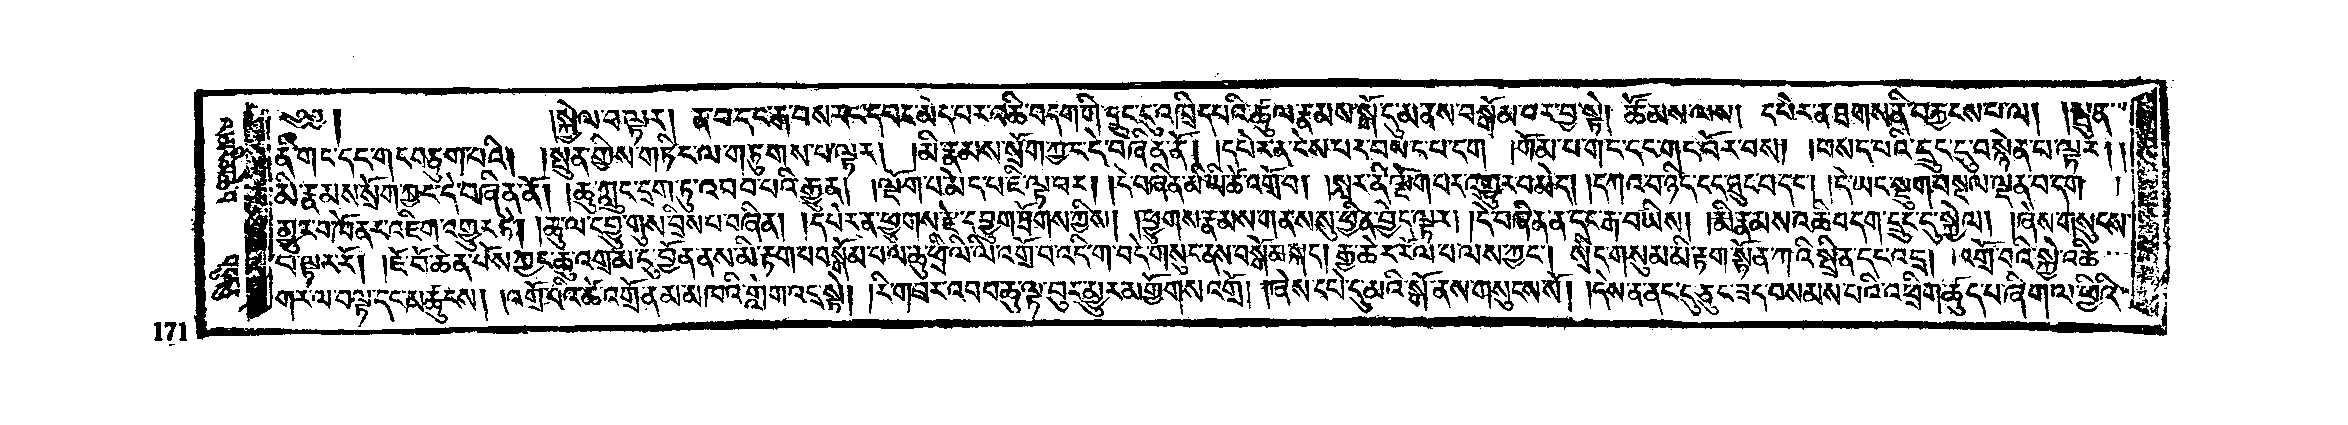༄༅། །སྐྱེལ་བ་ལྟར། ན་བ་དང་རྒ་བས་རང་དབང་མེད་པར་འཆི་བདག་གི་དྲུང་དུ་འཁྲིད་པའི་ཚུལ་རྣམས་སྒོ་དུ་མ་ནས་བསྒོམ་པར་བྱ་སྟེ། ཚོམས་ལས། དཔེར་ན་ཐགས་ནི་བརྐྱངས་པ་ལ། །སྤུན་
ནི་གང་དང་གང་བཅུག་པའི། །སྤུན་གྱིས་གཏིང་ལ་གཏུགས་པ་ལྟར། །མི་རྣམས་སྲོག་ཀྱང་དེ་བཞིན་ནོ། །དཔེར་ན་ངེས་པར་བསད་པ་དག །གོམ་པ་གང་དང་གང་བོར་བས། །བསད་པའི་དྲུང་དུ་བསྙེན་པ་ལྟར། །
མི་རྣམས་སྲོག་ཀྱང་དེ་བཞིན་ནོ། །ཆུ་ཀླུང་དྲག་ཏུ་འབབ་པའི་རྒྱུན། །ལྡོག་པ་མེད་པ་ཇི་ལྟ་བར། །དེ་བཞིན་མི་ཡི་ཚེ་འགྲོ་བ། །སླར་ནི་ལྡོག་པར་འགྱུར་བ་མེད། །དཀའ་བ་ཉིད་དང་ཐུང་བ་དང་། །དེ་ཡང་སྡུག་བསྔལ་ལྡན་བ་དག །
མྱུར་བ་ཁོ་ནར་འཇིག་འགྱུར་ཏེ། །ཆུ་ལ་དབྱུ་གུས་བྲིས་པ་བཞིན། །དཔེར་ན་ཕྱུགས་རྫི་དབྱུག་ཐོགས་ཀྱིས། །ཕྱུགས་རྣམས་གནས་སུ་ཕྱིན་བྱེད་ལྟར། །དེ་བཞིན་ན་དང་རྒ་བ་ཡིས། །མི་རྣམས་འཆི་བདག་དྲུང་དུ་སྐྱེལ། །ཞེས་གསུངས་
བ་ལྟར་རོ། །ཇོ་བོ་ཆེན་པོས་ཀྱང་ཆུ་འགྲམ་དུ་བྱོན་ནས་མི་རྟག་པ་བསྒོམ་པ་ལ་ཆུ་ཕྲི་ལི་ལི་འགྲོ་བ་འདི་ག་བདེ་གསུང་ནས་བསྒོམ་སྐད། རྒྱ་ཆེར་རོལ་པ་ལས་ཀྱང་། སྲིད་གསུམ་མི་རྟག་སྟོན་ཀའི་སྦྲིན་དང་འདྲ། །འགྲོ་བའི་སྐྱེ་འཆི་
གར་ལ་བལྟ་དང་མཚུངས། །འགྲོ་བའི་ཚེ་འགྲོ་ནམ་མཁའི་གློག་འདྲ་སྟེ། །རི་གཟར་འབབ་ཆུ་ལྟ་བུར་མྱུར་མགྱོགས་འགྲོ། །ཞེས་དཔེ་དུ་མའི་སྒོ་ནས་གསུངས་སོ། །དེས་ན་ནང་དུ་ཅུང་ཟད་བསམས་པའི་འཕྲིག་ཚུད་པ་ཞིག་ལ་ཕྱིའི་